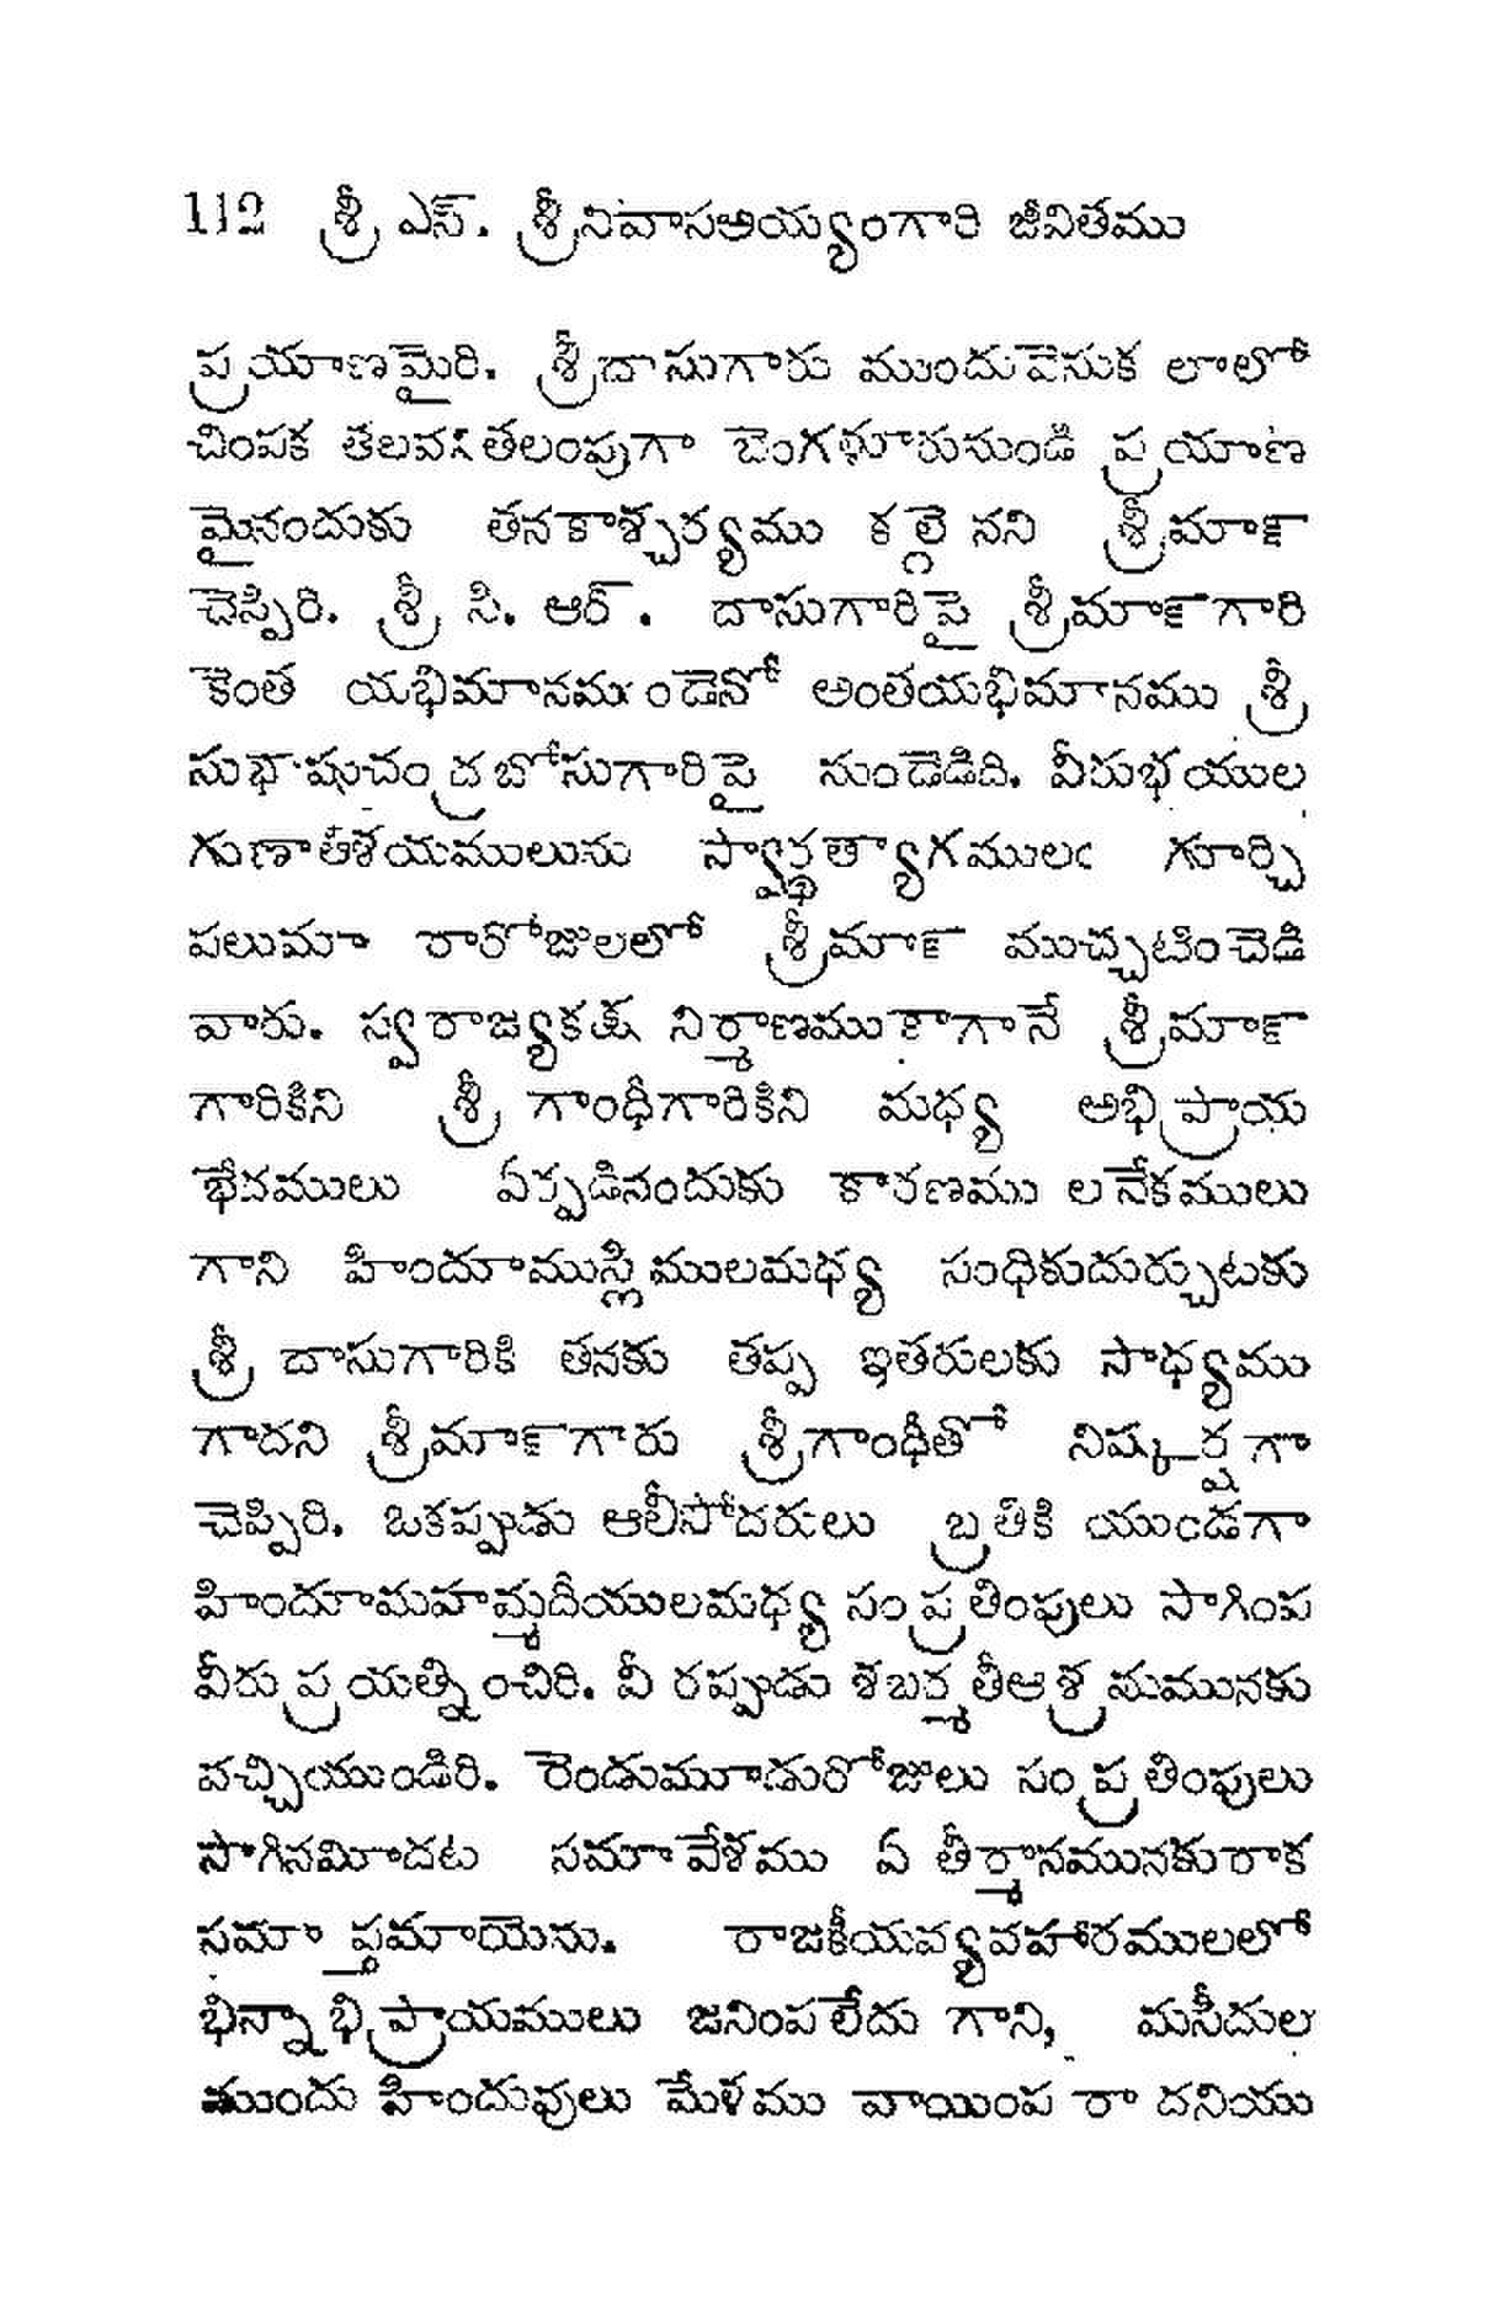ప్రయాణమైరి. శ్రీదాసుగారు ముందువెనుక లాలోచింపక తెలవనితలంపుగా బెంగళూరునుండి ప్రయాణమైనందుకు తనకాశ్చర్యము కల్గె నని శ్రీమా౯ చెప్పిరి. శ్రీ సి. ఆర్. దాసుగారిపై శ్రీమా౯ గారికెంత యభిమానముండెనో అంతయభిమానము శ్రీ సుభాషుచంద్రబోసుగారిపై నుండెడిది. వీరుభయుల గుణాతిశయములును స్వార్థత్యాగములఁ గూర్చి పలుమా రారోజులలో శ్రీమా౯ ముచ్చటించెడివారు. స్వరాజ్యకక్ష నిర్మాణముకాగానే శ్రీమా౯గారికిని శ్రీ గాంధీగారికిని మధ్య అభిప్రాయభేదములు ఏర్పడినందుకు కారణము లనేకములు గాని హిందూముస్లిములమధ్య సంధికుదుర్చుటకు శ్రీ దాసుగారికి తనకు తప్ప ఇతరులకు సాధ్యముగాదని శ్రీమా౯గారు శ్రీ గాంధీతో నిష్కర్షగా చెప్పిరి. ఒకప్పుడు ఆలీసోదరులు బ్రతికి యుండగా హిందూమహమ్మదీయుల మధ్య సంప్రతింపులు సాగింప వీరుప్రయత్నించిరి. వీ రప్పుడు శబర్మతీఆశ్రమమునకు వచ్చియుండిరి. రెండుమూడురోజులు సంప్రతింపులు సాగినమీదట సమావేశము ఏ తీర్మానమునకురాక సమాప్తమాయెను. రాజకీయవ్యవహారములలో భిన్నాభిప్రాయములు జనింపలేదు గాని, మసీదుల ముందు హిందువులు మేళము వాయింప రాదనియు